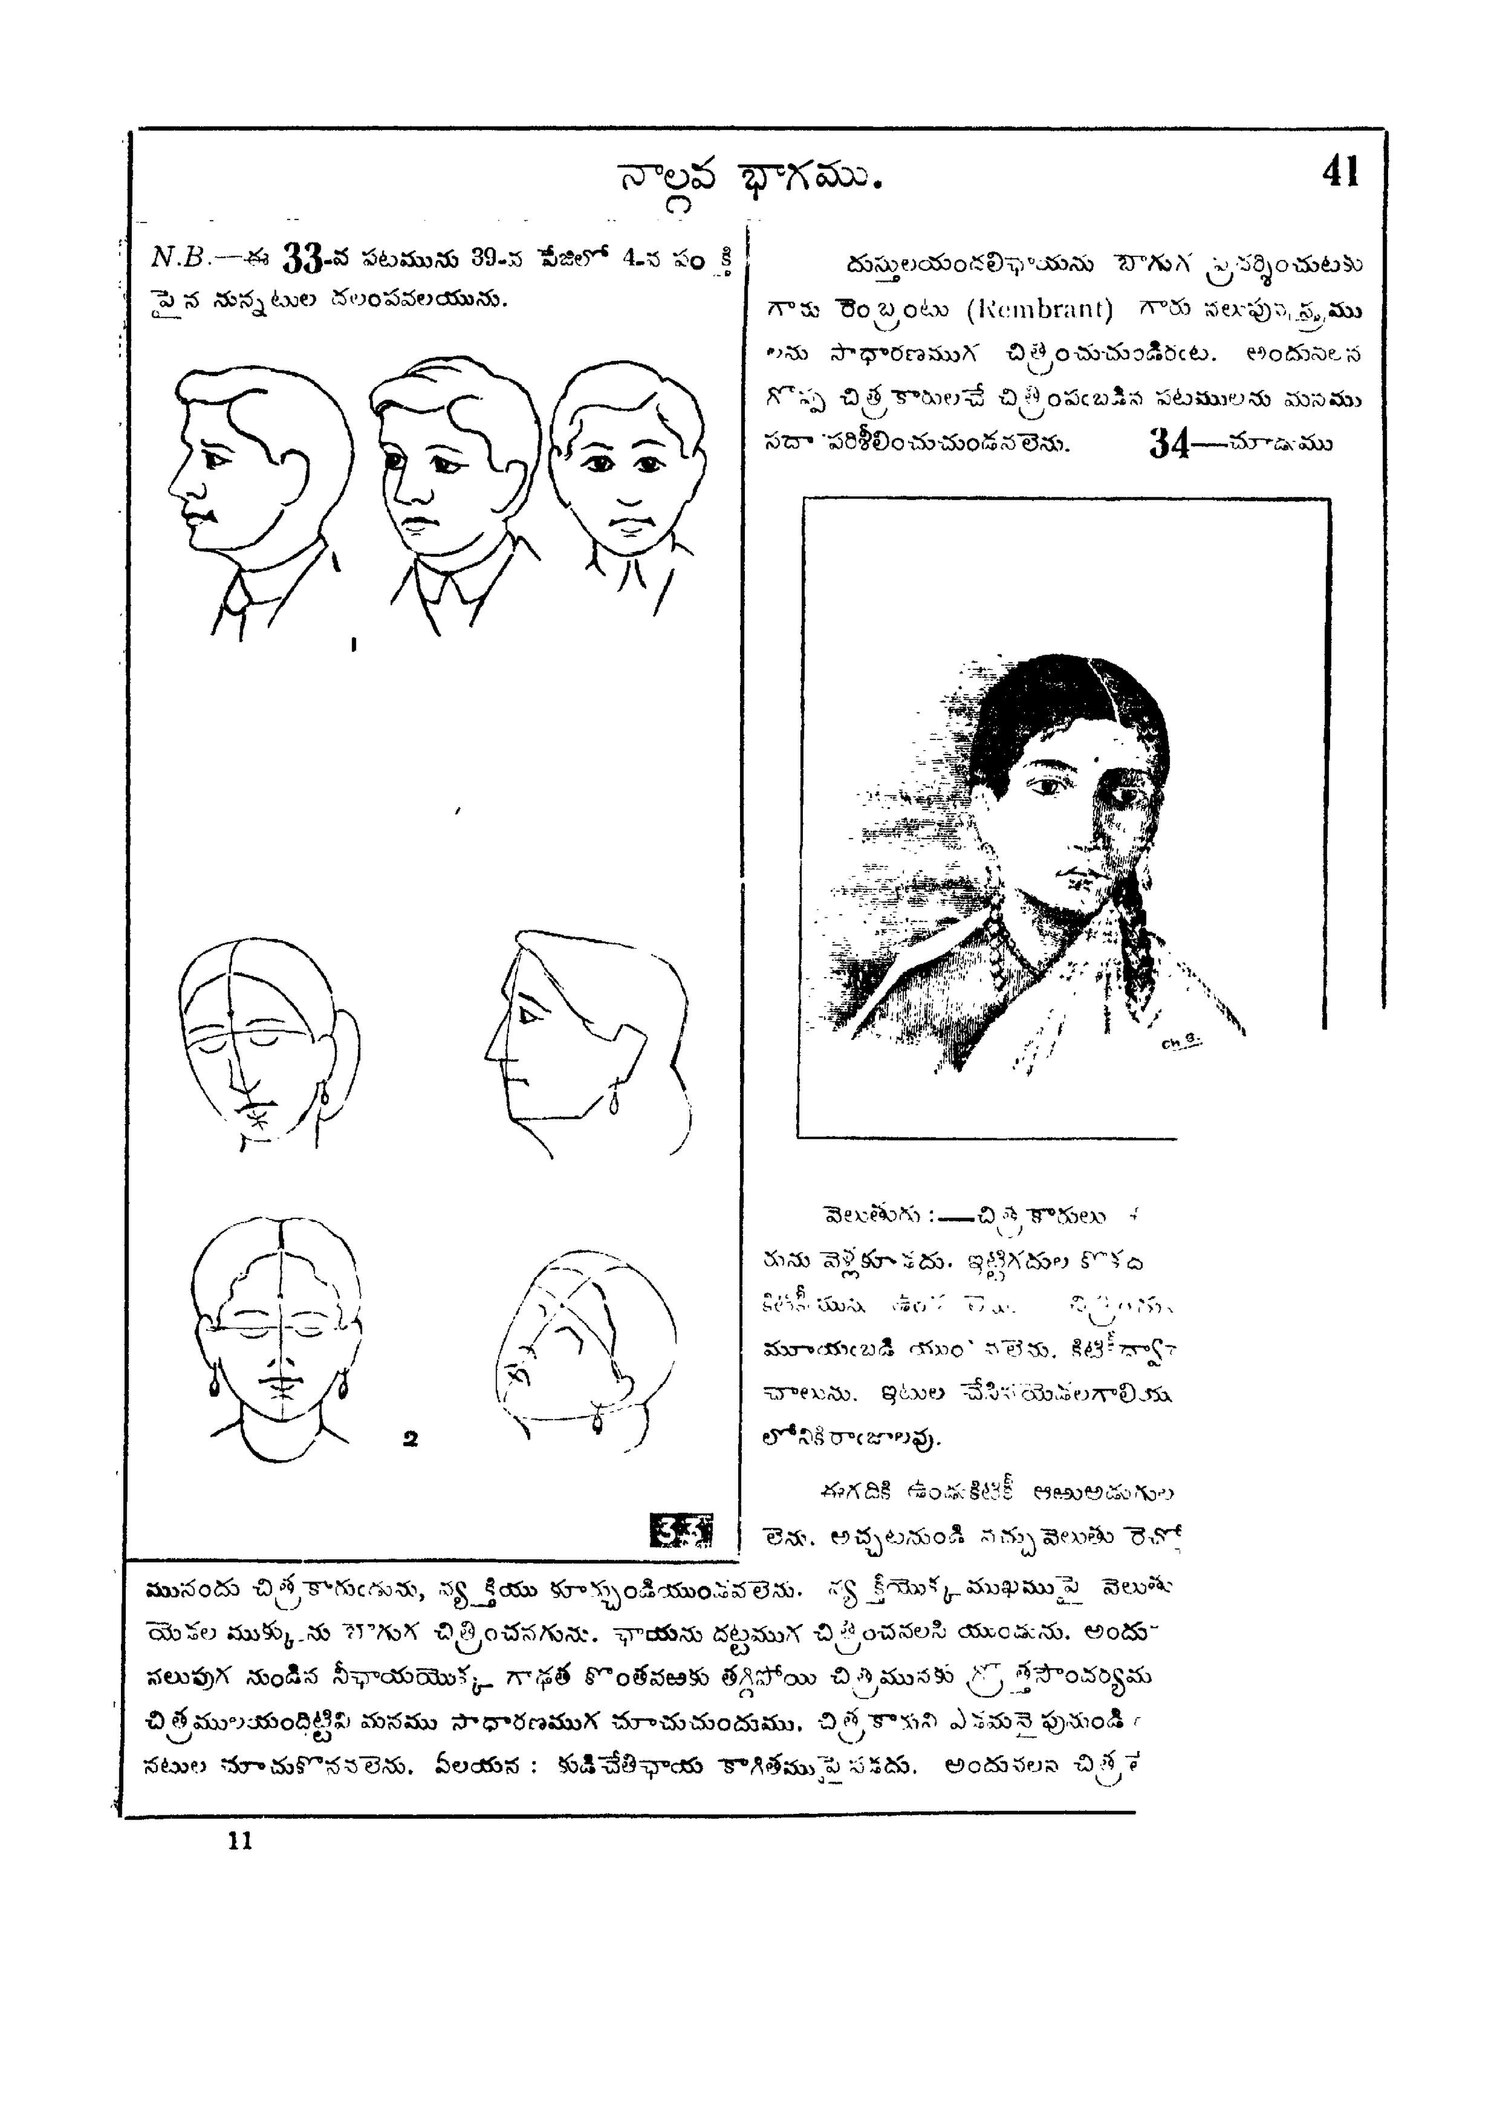దుస్తలయందలిఛాయను బాగుగ ప్రదర్శించుటకుగాను రెంబ్రంటు (Rembrant) గారు నలుపువస్త్రములను సాధారణముగ చిత్రించుచుండిరట. అందువలన గొప్ప చిత్రకారులచే చిత్రింపబడిన పటములను మనము సదా పరిశీలించుచుండవలెను. 34 - చూడుము.

వెలుతురు :- చిత్రకారులు --------రును వెళ్లకూడదు. ఇట్టిగదుల కొక ------- కిటికీయును ఉండవలెను. చిత్రించు -------- మూయబడి యుండవలెను. కిటికీద్వారా ------- చాలును. ఇటుల చేసినయెడలగాలియు ----- లోనికిరాజాలవు.

ఈగదికి ఉండుకిటికీ ఆఱుఅడుగుల ------లెను. అచటనుండి వచ్చువెలుతురు రెచ్చో------ మునందు చిత్రకారుడును, వ్యక్తియు కూర్చుండియుండవలెను. వ్యక్తియొక్కముఖముపై వెలుతురు -----యెడల ముక్కును బాగుగ చిత్రించనగును. ఛాయను దట్టముగ చిత్రించవలసి యుండును. అందు --------- నౌపుగ నుండిన నీఛాయయొక్క గాడత కొంతవఱకు తగ్గిపోయి చిత్రమునకు గ్రొత్తసౌందర్యము ------- చిత్రములయందిట్టివి మనము సాధారణముగ చూచుచుండుము. చిత్రకారుని ఎడమవైపునుండి -------- నటుల చూచుకొనవలెను. ఏలయన: కుడిచేతిఛాయ కాగితముపైపడదు. అందువలన చిత్రలే--------